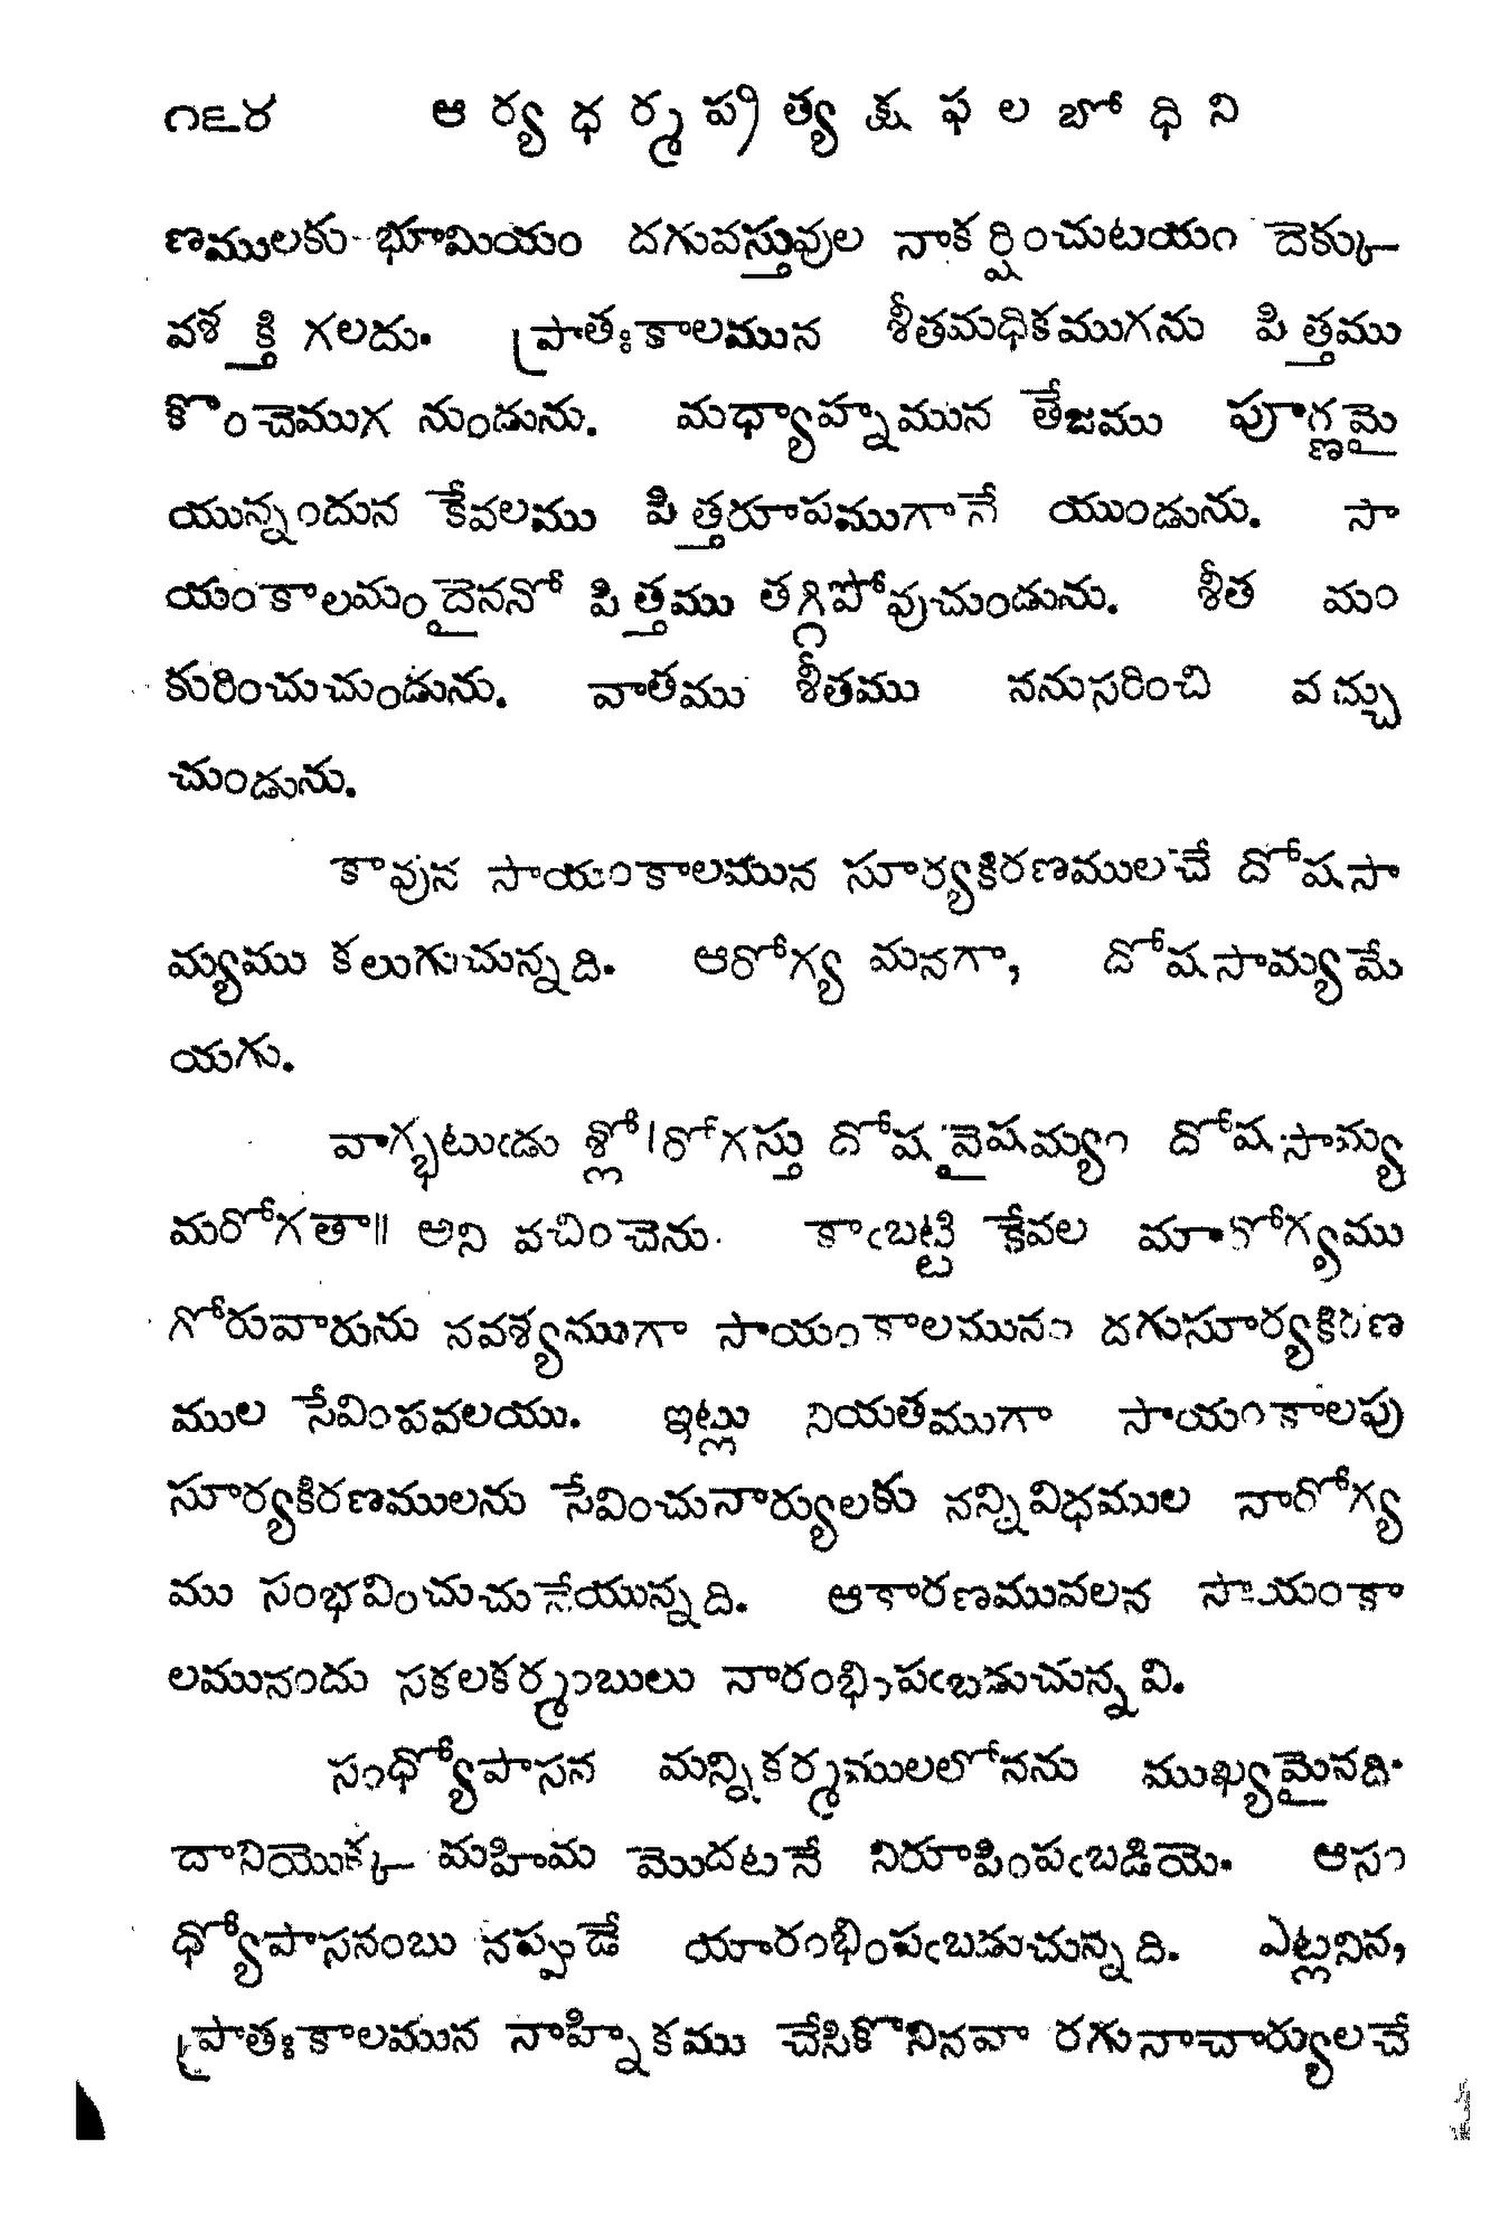ణములకు భూమియం దగువస్తువుల నాకర్షించుటయం దెక్కువశక్తి గలదు. ప్రాతఃకాలమున శీతమధికముగను పిత్తము కొంచెముగ నుండును. మధ్యాహ్నమున తేజము పూర్ణమై యున్నందున కేవలము పిత్తరూపముగానే యుండును. సాయంకాలమందైననో పిత్తము తగ్గిపోవుచుండును. శీత మంకురించుచుండును. వాతము శీతము ననుసరించి వచ్చు చుండును.

కావున సాయంకాలమున సూర్యకిరణములచే దోషసామ్యము కలుగుచున్నది. ఆరోగ్య మనగా, దోషసామ్యమే
యగు.

వాగ్భటుఁడు శ్లో॥ రోగస్తు దోషవైషమ్యం దోషసామ్య మరోగతా॥ అని వచించెను. కాఁబట్టి కేవల మారోగ్యము
గోరువారును నవశ్యముగా సాయంకాలమునం దగుసూర్యకిరణముల సేవింపవలయు. ఇట్లు నియతముగా సాయంకాలపు సూర్యకిరణములను సేవించునార్యులకు నన్నివిధముల నారోగ్యము సంభవించుచునేయున్నది. ఆకారణమువలన సాయంకాలమునందు సకలకర్మంబులు నారంభింపఁబడుచున్నవి.

సంధ్యోపాసన మన్నికర్మములలోనను ముఖ్యమైనది. దానియొక్క మహిమ మొదటనే నిరూపింపఁబడియె.
ఆసంధ్యోపాసనంబు నప్పుడే యారంభింపఁబడుచున్నది. ఎట్లనిన, ప్రాతఃకాలమున నాహ్నికము చేసికొనినవా రగునాచార్యులచే